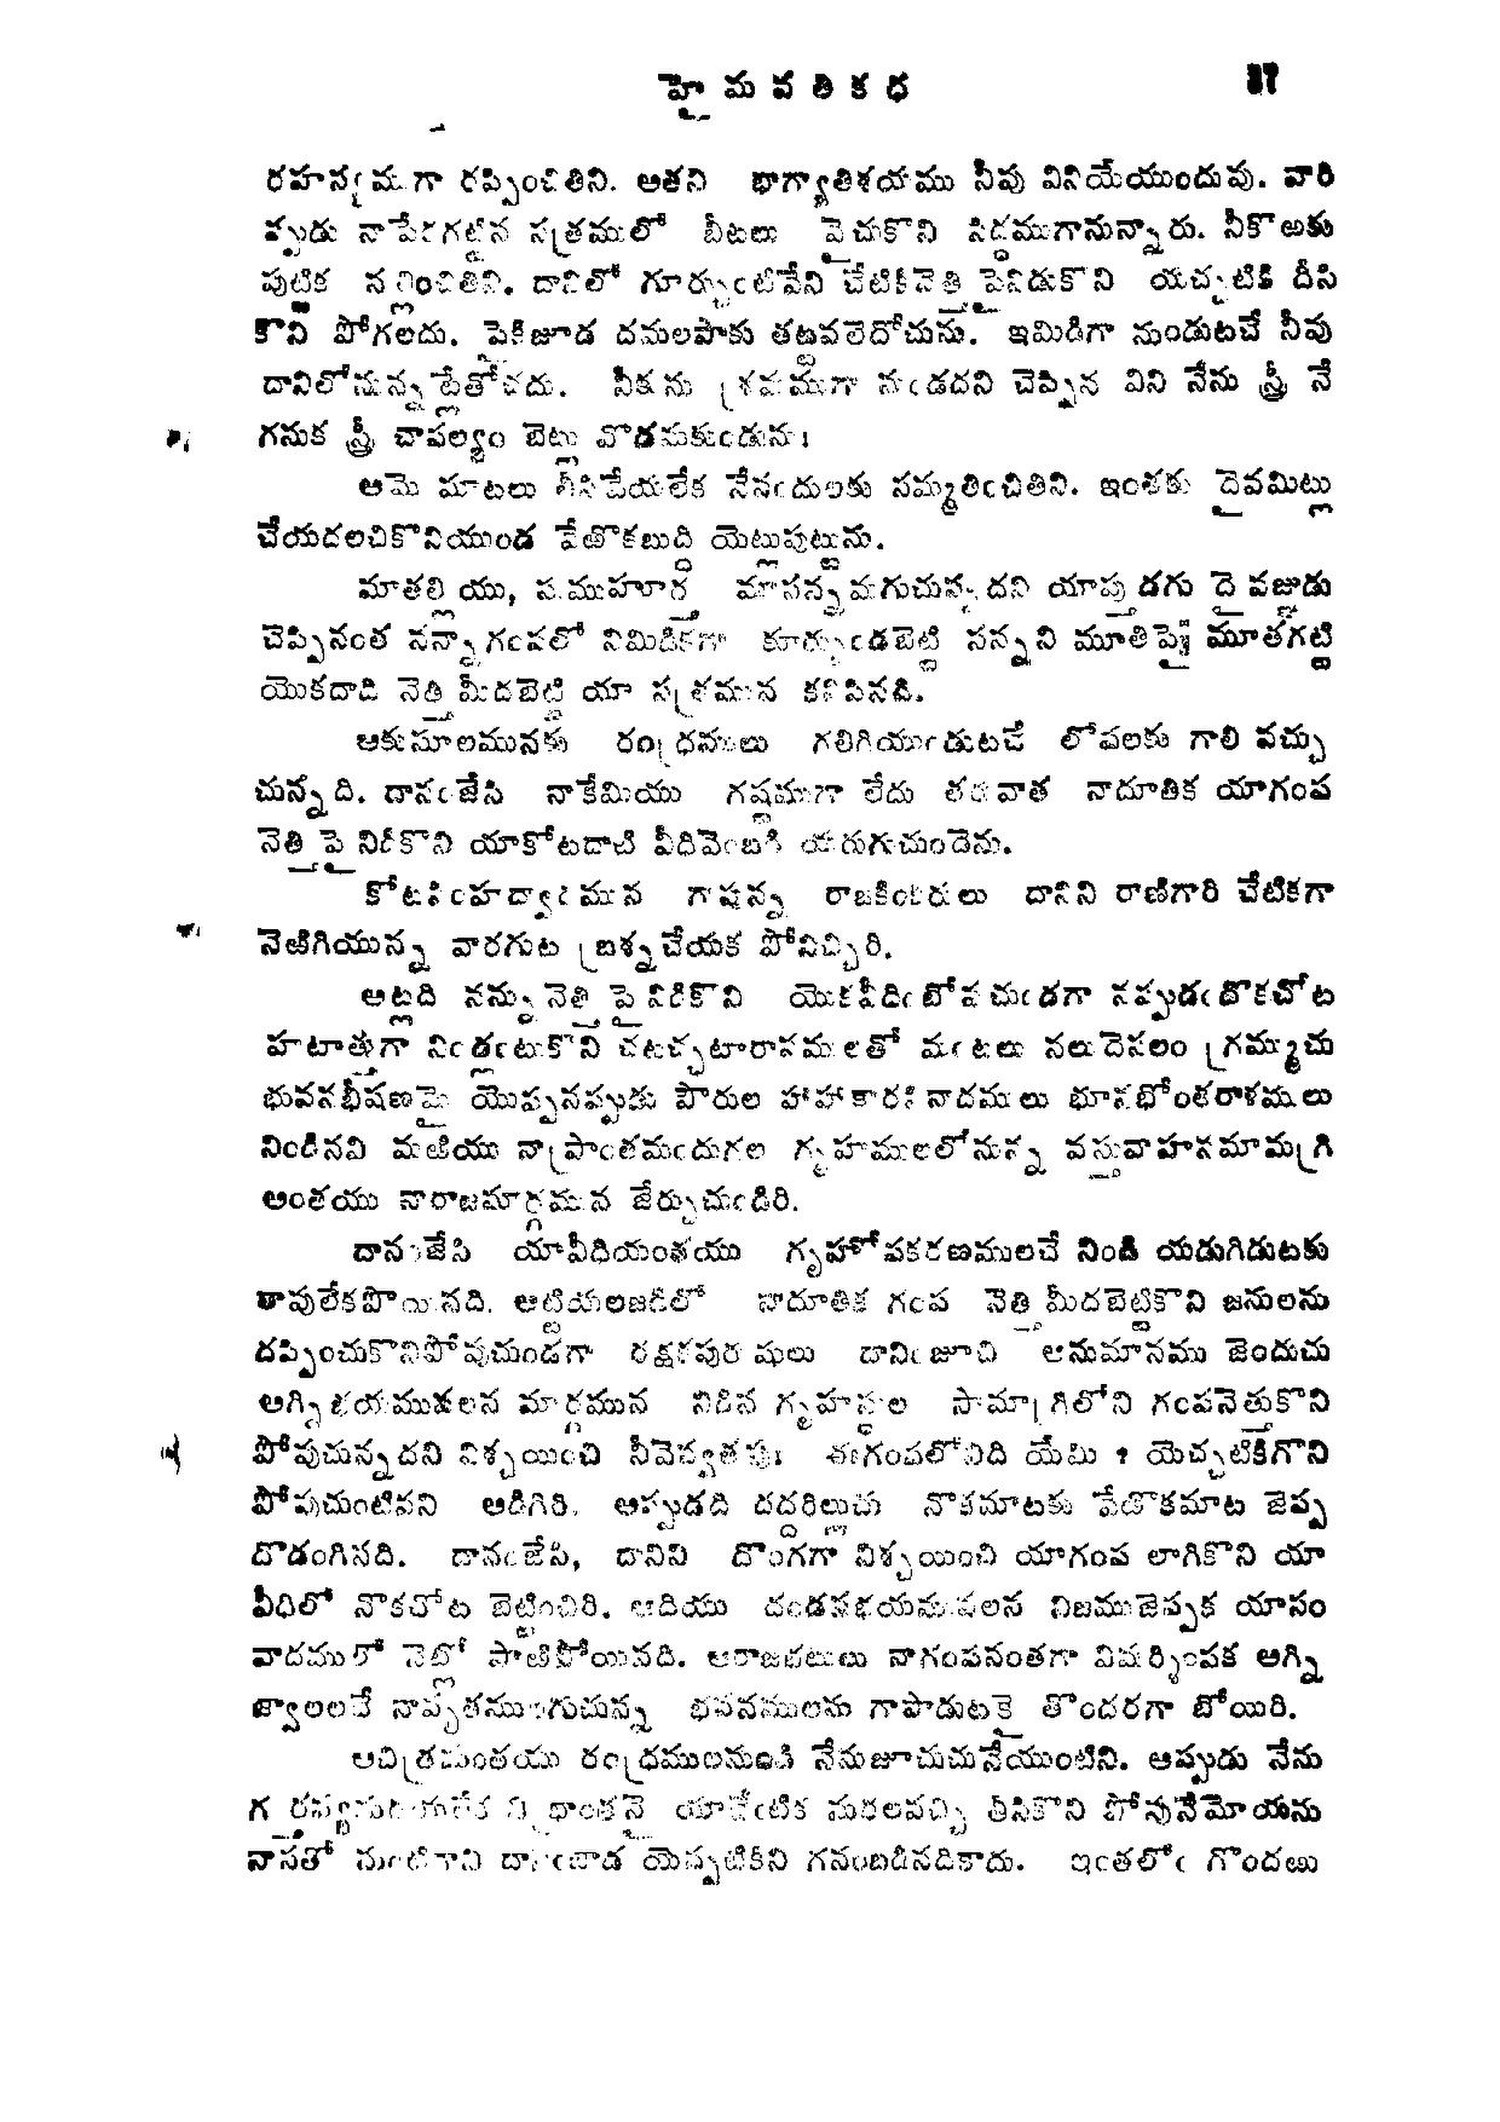రహస్యముగా రప్పించితిని. అతని భాగ్యాతిశయము నీవు వినియేయుందువు. వారిప్పుడు నాపేరగట్టిన సత్రములో బీటలు వైచుకొని సిద్ధముగానున్నారు. నీకొఱకు పుట్టిక నల్లించితిని. దానిలో గూర్యుంటివేని చేటికి నెత్తిపై నిడుకొని యచ్చటికి దీసికొని పోగలదు. పైకిజూడ దమలపాకుతట్టవలె దోచును. ఇమిడిగా నుండుటచే నీవు దానిలోనున్నట్లే తోచదు. నీకును శ్రమముగాఁ నుండదని చెప్పిన విని నేను స్త్రీనే
గనుక స్త్రీచాపల్యం బెట్లు వొడమకుండును?

ఆమె మాటలు తీసివేయలేక నేనందులకు సమ్మతించితిని. ఇంతకు దైవమిట్లు చేయదలచికొనియుండ వేఱొకబుద్ది యెట్లుపుట్టును.

మాతల్లియు, సుముహూర్త మాసన్నమగుచున్నదని యాప్తుడగు దైవజ్ఞుడు చెప్పినంత న న్నాగంపలో నిమిడికగా కూర్చుండబెట్టి సన్నని మూతిపై మూతగట్టి యొకదాది నెత్తిమీద బెట్టి యా సత్రమున కనిపినది.

ఆకుసూలమునకు రంధ్రములు గలిగియుండుటచే లోపలకు గాలి వచ్చుచున్నది. దానంజేసి నాకేమియు గష్టముగా లేదు. తరువాత నాదూతిక యాగంప నెత్తిపై నిడికొని యాకోటదాటి వీథివెంబడి యరుగుచుండెను.

కోటసింహహద్వారమున గాపున్న రాజకింకరులు దానిని రాణిగారి చేటికగా నెఱిగియున్న వారగుట బ్రశ్నచేయక పోనిచ్చిరి.

అట్లది నన్ను నెత్తిపై నిడికొని యొకవీధిఁ బోవుచుండగా నప్పుడఁ దొకచోట హటాత్తుగా నిండ్లంటుకొని చటచ్చటారావములతో మంటలు నలుదెసలం గ్రమ్ముచు భువనభీషణమై యొప్ప నప్పుడు పౌరుల హాహాకారనినాదములు భూనభోంతరాళములు నిండినవి మఱియు నాప్రాంతమందుగల గృహములలోనున్న వస్తువాహనసామగ్రి అంతయు నారాజమార్గమున జేర్చుచుండిరి.

దానంజేసి యావీథియంతయు గృహోపకరణములచే నిండి యడుగిడుటకు తావులేకపొయినది. అట్టియలజడిలో నాదూతిక గంప నెత్తిమీద బెట్టికొని జనులను దప్పించుకొనిపోవుచుండగా రక్షకపురషులు దానింజూచి అనుమానము జెందుచు అగ్నిభయమువలన మార్గమున నిడిన గృహస్థుల సామాగ్రిలోని గంపనెత్తుకొని పోవుచున్నదని నిశ్చయించి నీవెవ్వతవు? ఈగంపలోనిది యేమి? యెచ్చటికిగొని పోవుచుంటివని అడిగిరి. అప్పుడది దద్దరిల్లుచు నొకమాటకు వేఱొకమాట జెప్ప దొడంగినది. దానంజేసి, దానిని దొంగగా నిశ్చయించి యాగంప లాగికొని యా వీధిలో నొకచోట బెట్టించిరి. అదియు దండనభయమువలన నిజముజెప్పక యాసంవాదములో నెట్లో పాఱిపోయినది. ఆరాజభటులు నాగంపనంతగా విమర్శింపక అగ్నిజ్వాలలచే నావృతములగుచున్న భవనములను గాపాడుటకై తొందరగా బోయిరి.

ఆచిత్రమంతయు రంధ్రములనుండి నేనుజూచుచునేయుంటిని. అప్పుడు నేను గర్తవ్య మరయలేక నిభ్రాంతనై యాచేఁటిక మరలవచ్చి తీసికొని పోవునేమోయను నాసతో నుంటిగాని దానిఁజాడ
యెప్పటికిని గనంబడినదికాదు. ఇంతలోఁ గొందఱు